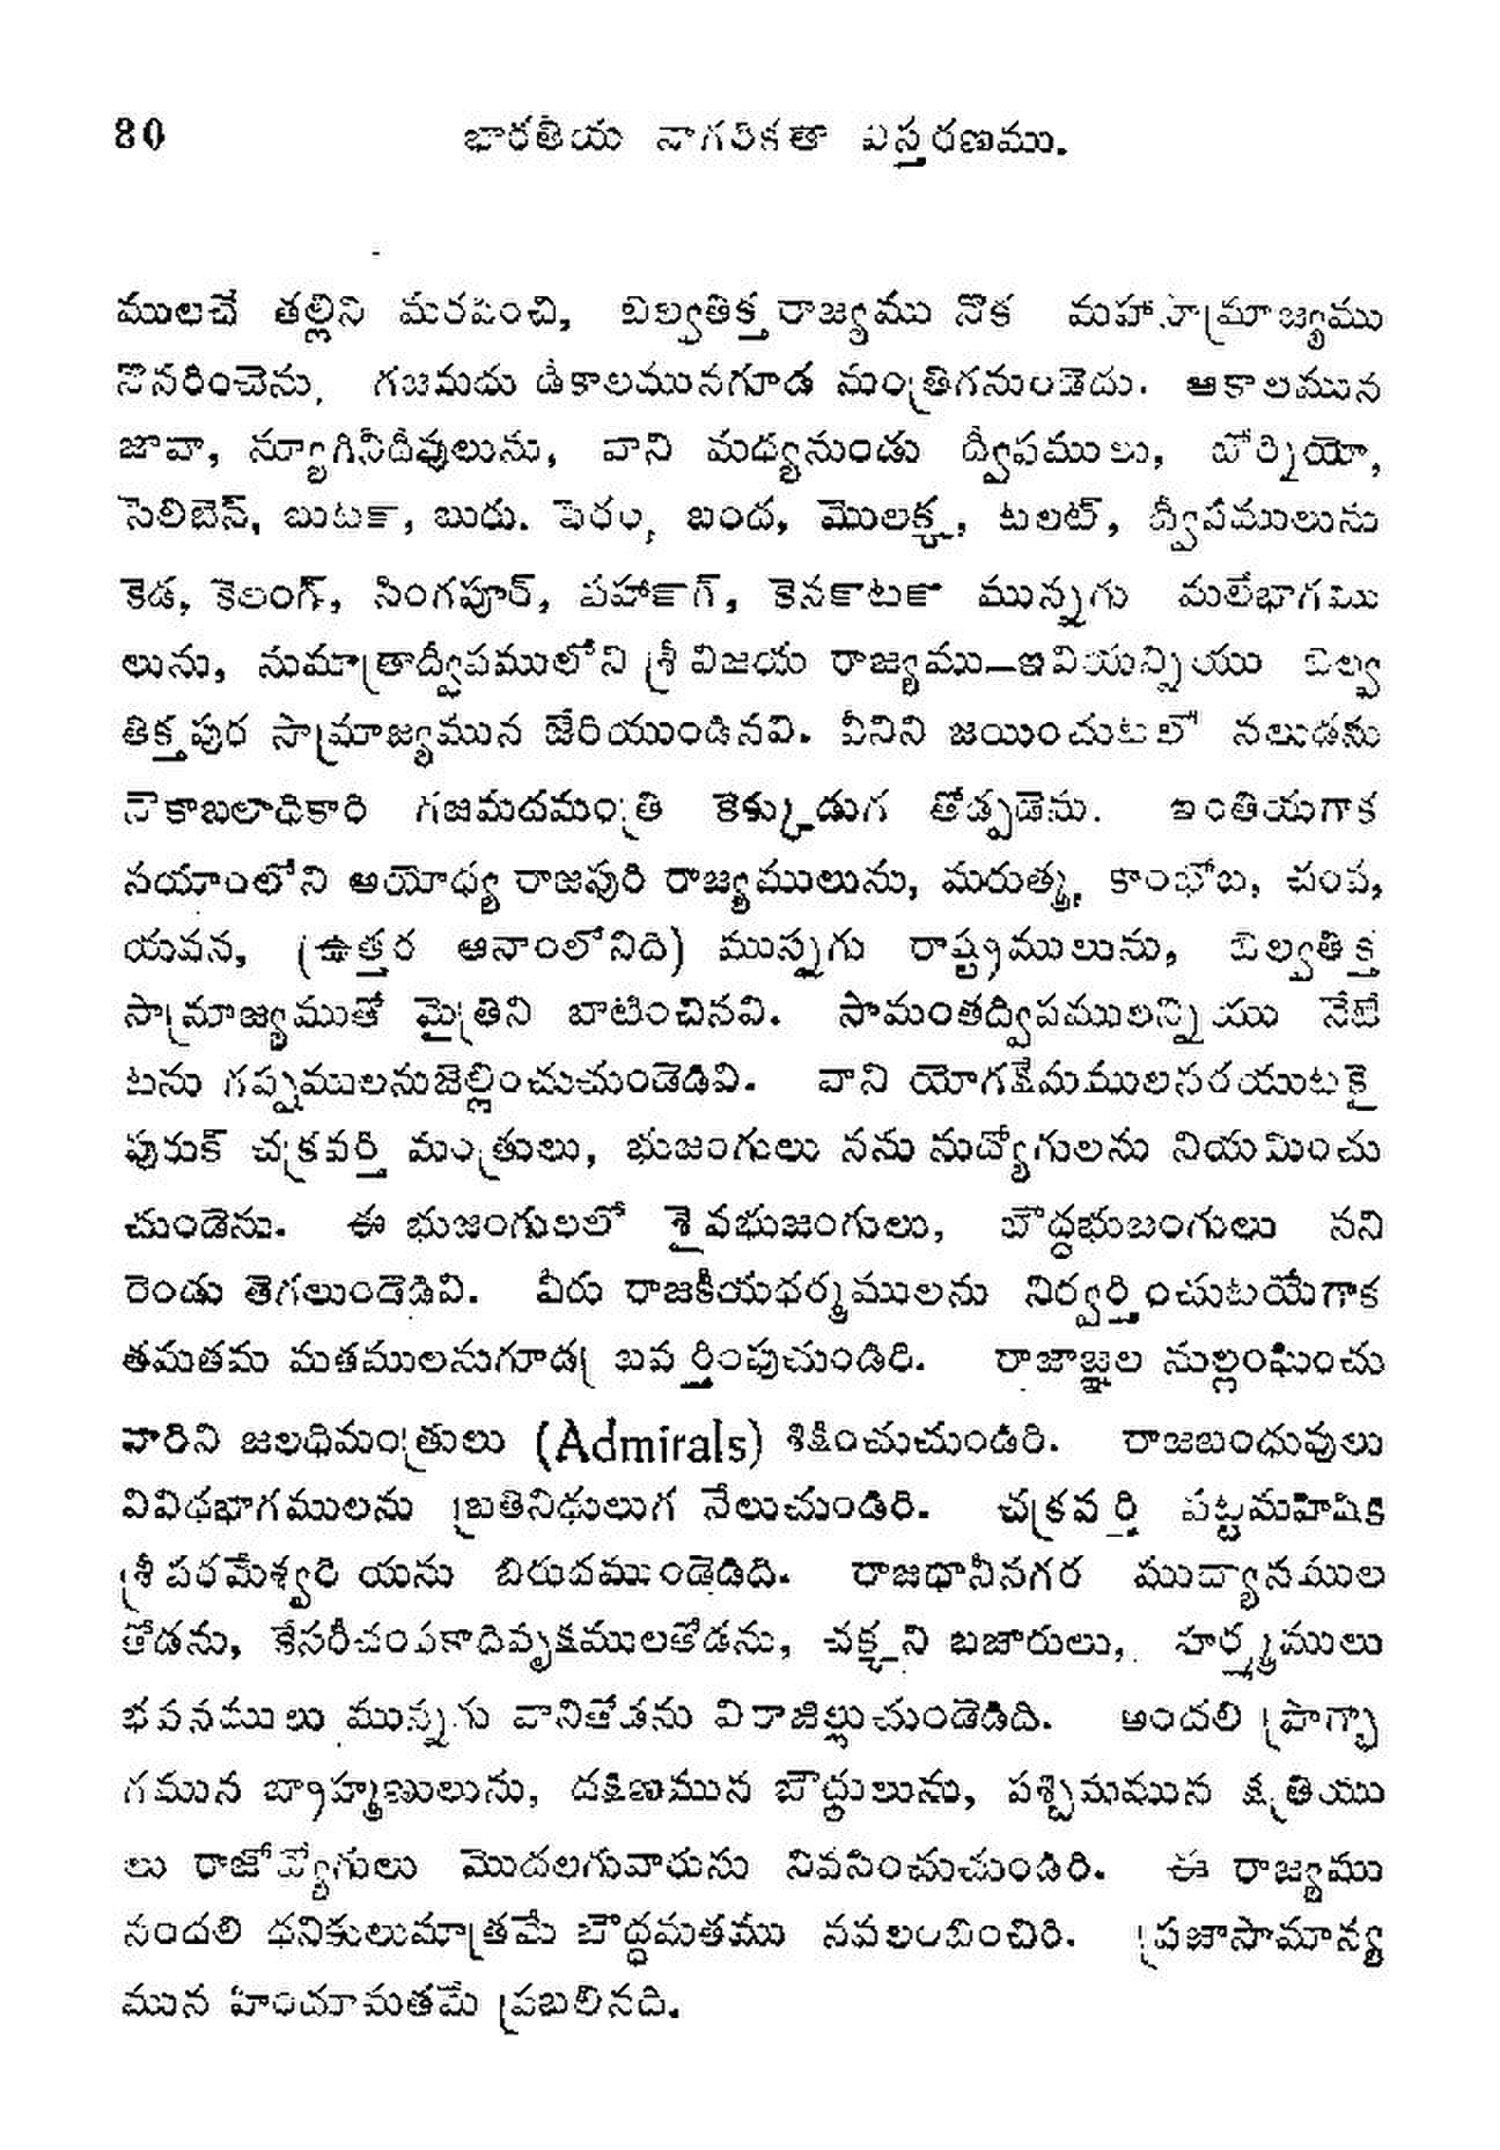ములచే తల్లిని మరపించి, బిల్వతిక్త రాజ్యము నొక మహాసామ్రాజ్యము నొనరించెను. గజమదు డీకాలమునగూడ మంత్రిగనుండెదు. అకాలమున జావా, న్యూగినీదీవులును, వాని మధ్యనుండు ద్వీపములు, బోర్నియో, సెలిబెస్, బుటన్, బురు, పెరం, బంద, మొలక్క, టలట్, ద్వీపములును కెడ, కెలంగ్, సింగపూర్, పహాన్‌గ్, కెనన్‌టన్ మున్నగు మలేభాగములును, సుమాత్రాద్వీపములోని శ్రీవిజయ రాజ్యము - ఇవియన్నియు బిల్వతిక్తపుర సామ్రాజ్యమున జేరియుండినవి. వీనిని జయించుటలో నలుడను నౌకాబలాధికారి గజమదమంత్రి కెక్కుడుగ తోడ్పడెను. ఇంతియగాక నయాంలోని అయోధ్య రాజపురి రాజ్యములును, మరుత్మ, కాంభోజ, చంప, యవన, (ఉత్తర అనాంలోనిది) మున్నగు రాష్ట్రములును, బిల్వతిక్త సామ్రాజ్యముతో మైత్రిని బాటించినవి. సామంతద్వీపములన్నియు నేటేటను గప్పములను జెల్లించుచుండెడివి. వాని యోగక్షేమములనరయుటకై పురుక్ చక్రవర్తి మంత్రులు, భుజంగులు నను నుద్యోగులను నియమించుచుండెను. ఈ భుజంగులలో శైవభుజంగులు, బౌద్దభుజంగులు నని రెండు తెగలుండెడివి. వీరు రాజకీయ ధర్మములను నిర్వర్తించుటయేగాక తమతమ మతములనుగూడ బ్రవర్తింపుచుండిరి. రాజాజ్ఞల నుల్లంఘించువారిని జలధిమంత్రులు (Admirals) శిక్షించుచుండిరి. రాజబంధువులు వివిధభాగములను బ్రతినిధులుగ నేలుచుండిరి. చక్రవర్తి పట్టమహిషికి శ్రీపరమేశ్వరి యను బిరుదముండెడిది. రాజధానీనగర ముద్యానములతోడను, కేసరీచంపకాది వృక్షములతోడను, చక్కని బజారులు, హర్మ్యములు భవనములు మున్నగు వానితోడను విరాజిల్లు చుండెడిది. అందలి ప్రాగ్భాగమున బ్రాహ్మణులును, దక్షిణమున బౌద్దులును, పశ్చిమమున క్షత్రియులు రాజోద్యోగులు మొదలగువారును నివసించుచుండిరి. ఈ రాజ్యమునందలి ధనికులుమాత్రమే బౌద్దమతము నవలంభించిరి. ప్రజాసామాన్యమున హిందూమతమే ప్రబలినది.